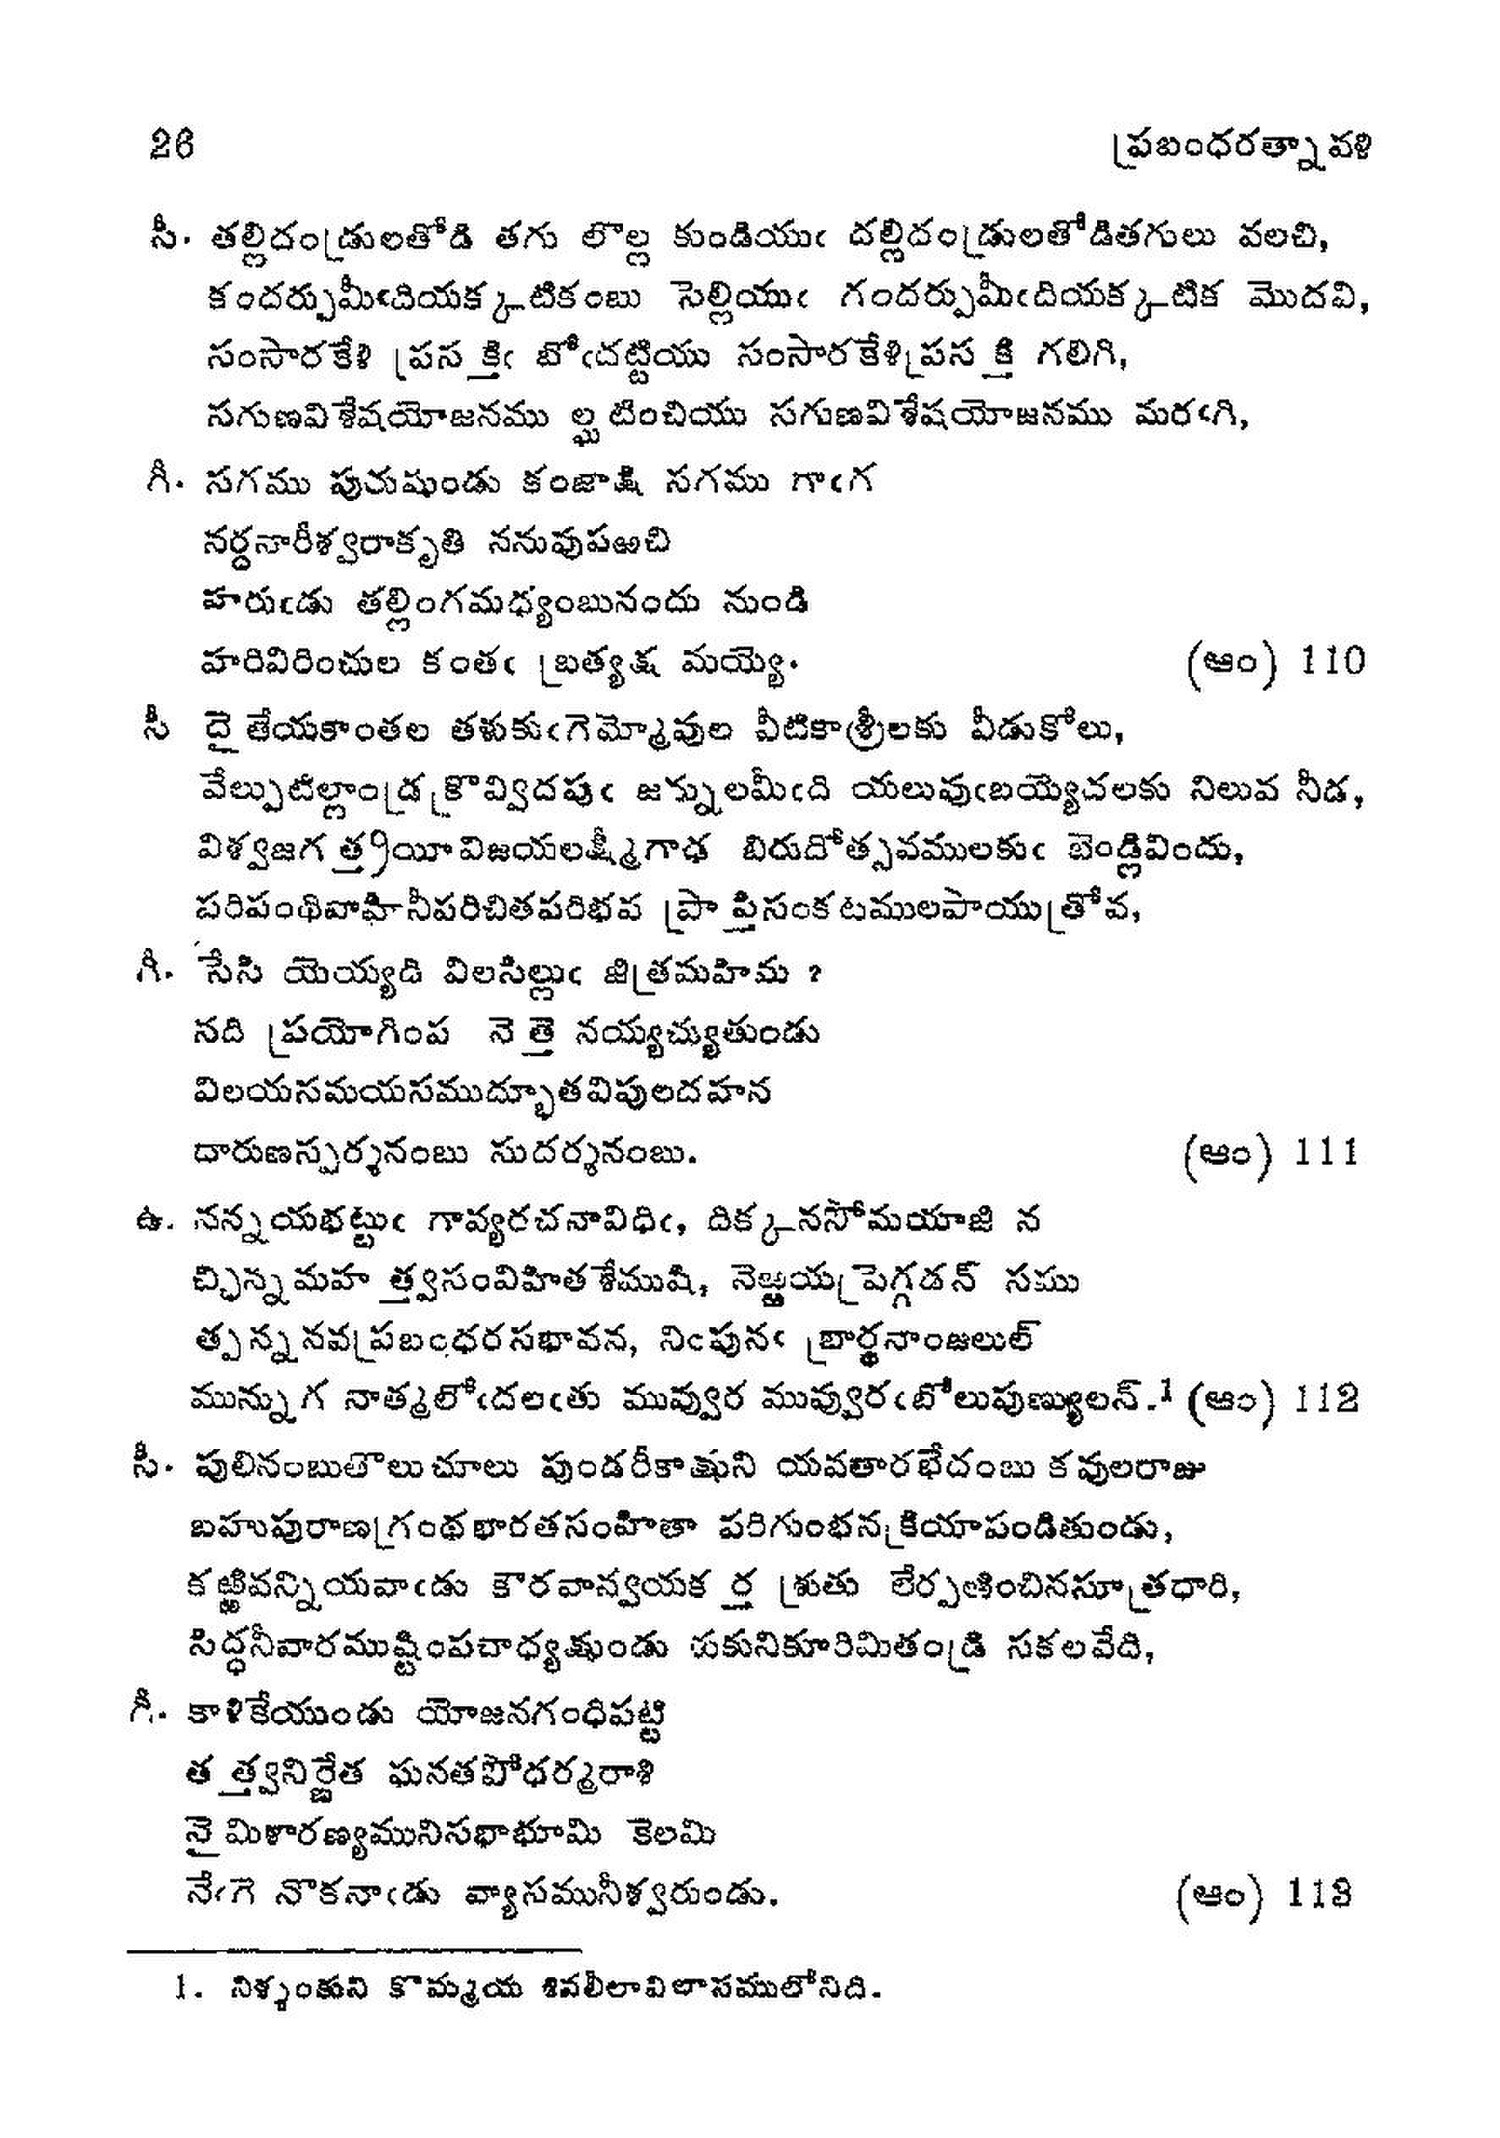సీ. తల్లిదండ్రులతోడి తగు లొల్లకుండియు దల్లిదండ్రులతోడి తగులు వలచి,
కందర్పుమీఁది యక్కటికంబు సెల్లియుఁ గందర్పుమీఁది యక్కటిక మొదవి,
సంసారకేళి ప్రసక్తిఁ బోఁదట్టియు సంసారకేళి ప్రసక్తి గలిగి,
సగుణవిశేషయోజనము ల్ఘటించుయు సగుణవిశేషయోజనము మరఁగి,
గీ. సగము పురుషుండు కంజాక్షి సగము గాఁగ
నర్థనారీశ్వరాకృతి ననువుపఱచి
హరుఁడు తల్లింగమధ్యంబునందు నుండి
హరివిరించుల కంతఁ బ్రత్యక్షమయ్యె. (ఆం) 110

సీ. దైతేయకాంతల తళుకుఁగెమ్మోవుల వీటికాశ్రీలకు వీడుకోలు,
వేల్పుటిల్లాండ్రక్రొవ్విదపుఁ జన్నులమీఁది యలువుఁబయ్యెదలకు నిలువనీడ,
విశ్వజగత్త్రయీ విజయలక్ష్మీగాఢ బిరుదోత్సవములకుఁ బెండ్లివిందు,
పరిపంథివాహినీ పరిచితపరిభవ ప్రాప్తి సంకటముల పాయుత్రోవ,
గీ. సేసి యెయ్యది విలసిల్లుఁ జిత్రమహిమ?
నది ప్రయోగింప నెత్తె నయ్యచ్యుతుండు
విలయసమయ సముద్భూత విపులదహన
దారుణస్పర్శనంబు సుదర్శనంబు. (ఆం) 111

ఉ. నన్నయభట్టుఁ గావ్యరచనావిధిఁ, దిక్కనసోమయాజి న
చ్ఛిన్న మహత్త్వ సంవిహితశేముషి, నెఱ్ఱయప్రెగ్గడన్ సము
త్పన్ననవప్రబంధరసభావన, నింపునఁ బ్రార్థనాంజలుల్
మున్నుగ నాత్మలోఁ దలఁతు మువ్వుర మువ్వురఁ బోలు పుణ్యులన్. (ఆం) 112

సీ. పులినంబు తొలుచూలు పుండరీకాక్షుని యవతారభేదంబు కవులరాజు
బహుపురాణగ్రంథ భారతసంహితా పరిగుంభనక్రియా పండితుండు,
కఱ్ఱివన్నియవాఁడు కౌరవాన్వయకర్త శ్రుతు లేర్పఱించిన సూత్రధారి,
సిద్ధనీవారముష్టింపచాధ్యక్షుండు శుకునికూరిమితండ్రి సకలవేది,
గీ. కాళికేయుండు యోజనగంధిపట్టి
తత్త్వనిర్ణేత ఘనతపోధర్మరాశి
నైమిశారణ్య మునిసభాభూమికెలమి
నేఁగ నొకనాఁడు వ్యాసమునీశ్వరుండు. (ఆం) 113